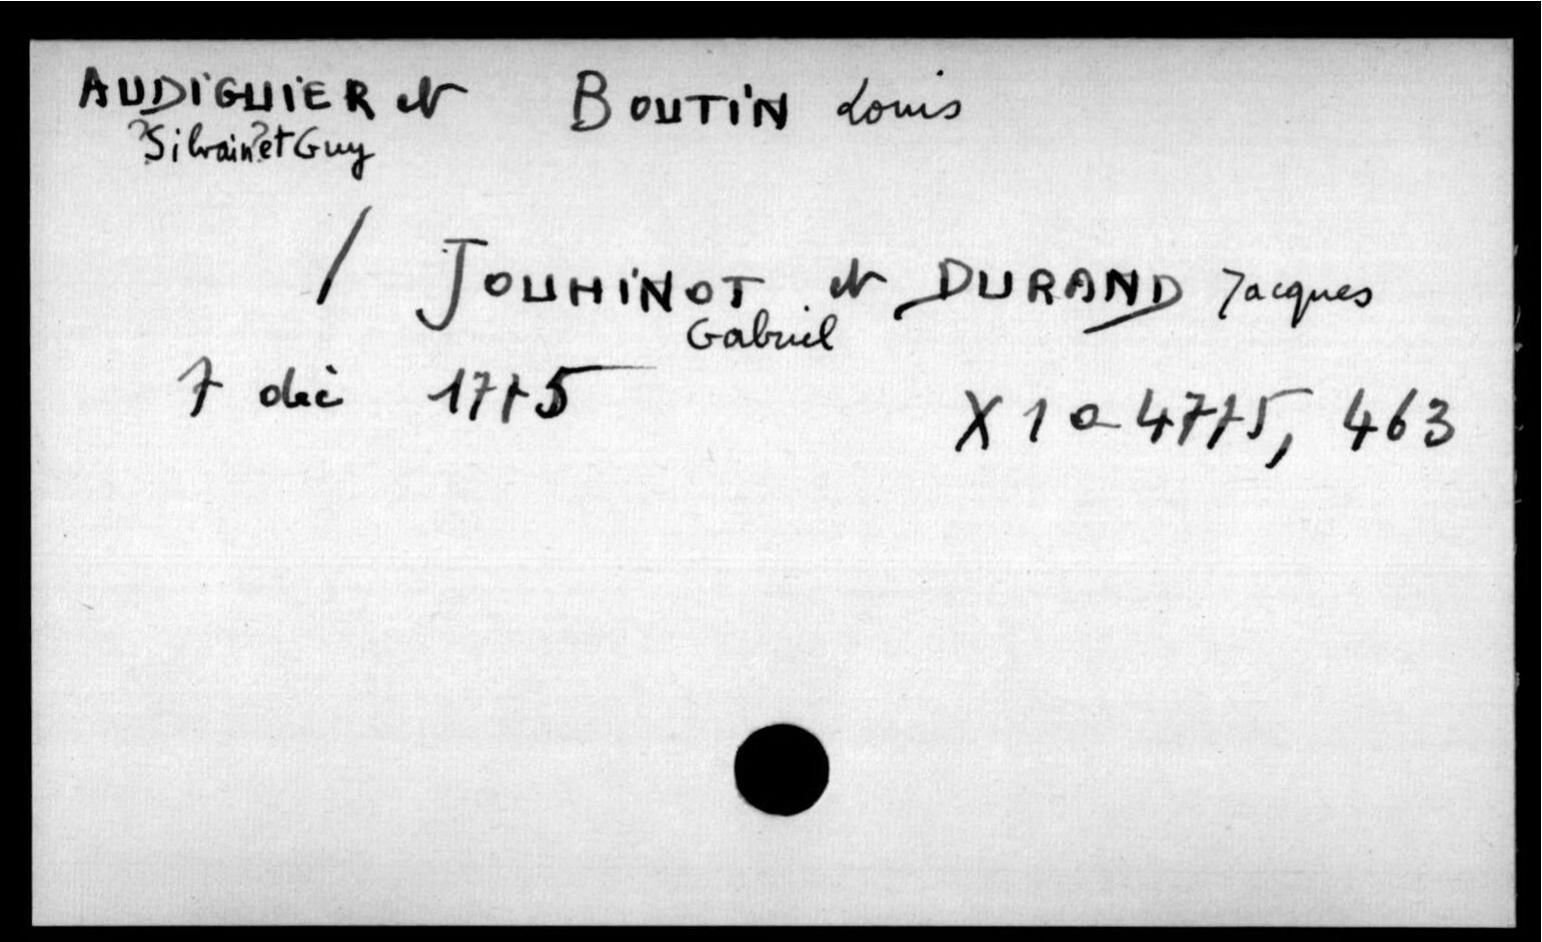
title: AUDIGUIER Silvain et Guy et BOUTIN Louis
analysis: Contre JOUHINOT Gabriel et DURAND Jacques
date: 7 décembre 1775
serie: X1a
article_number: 4775
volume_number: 463
